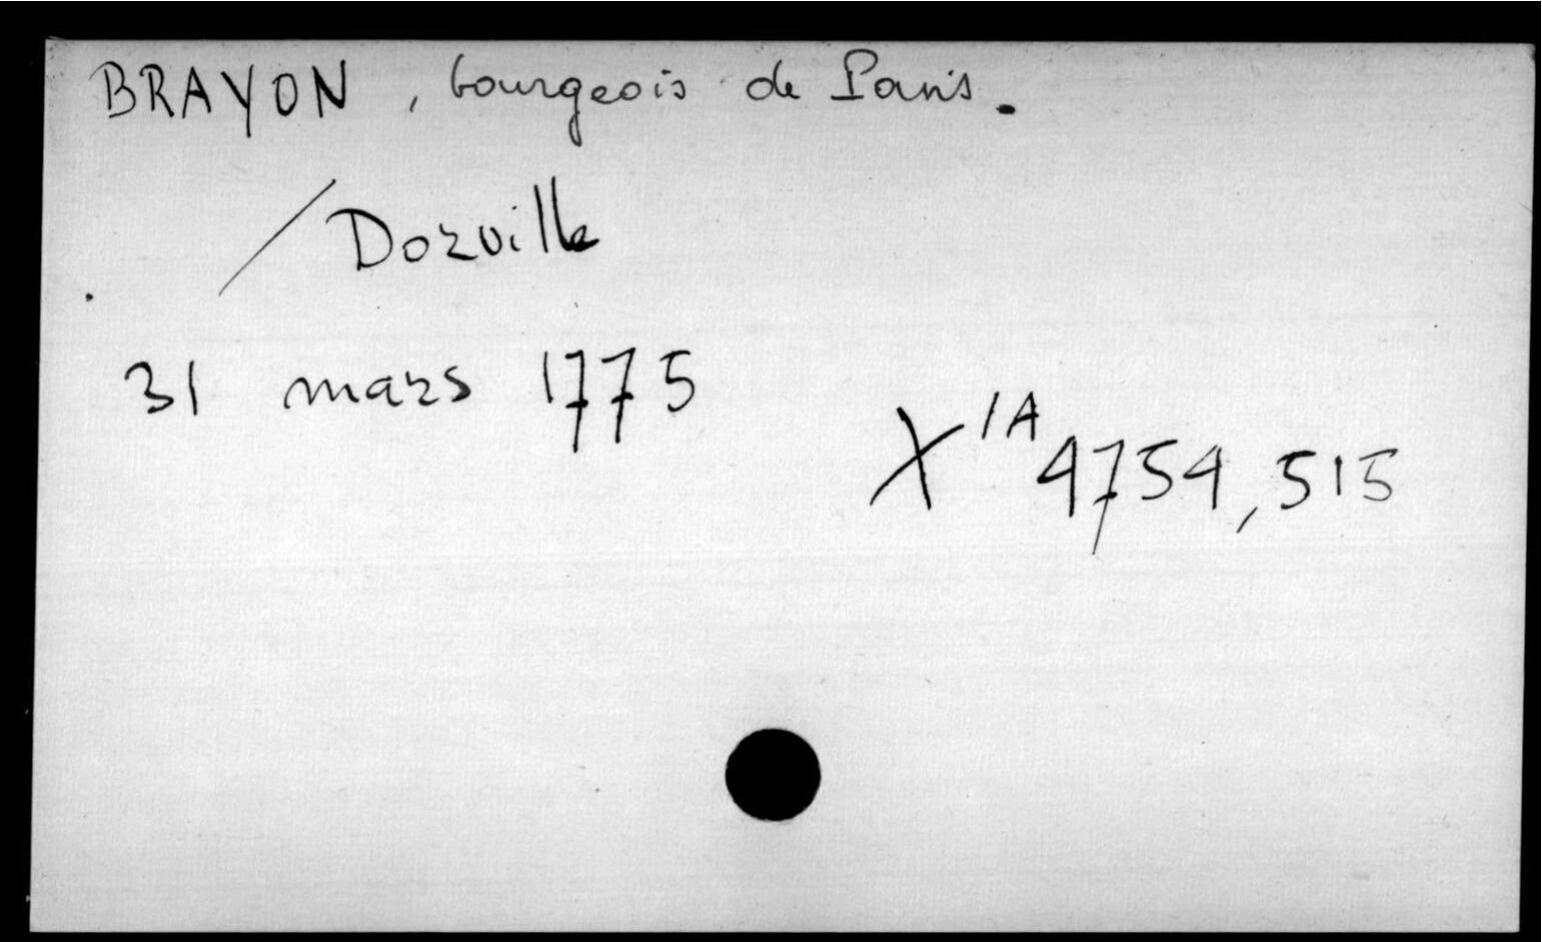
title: BRAYON, bourgeois de Paris.
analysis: Contre Dorville
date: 31 mars 1775
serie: X1A
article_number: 4754
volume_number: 515
